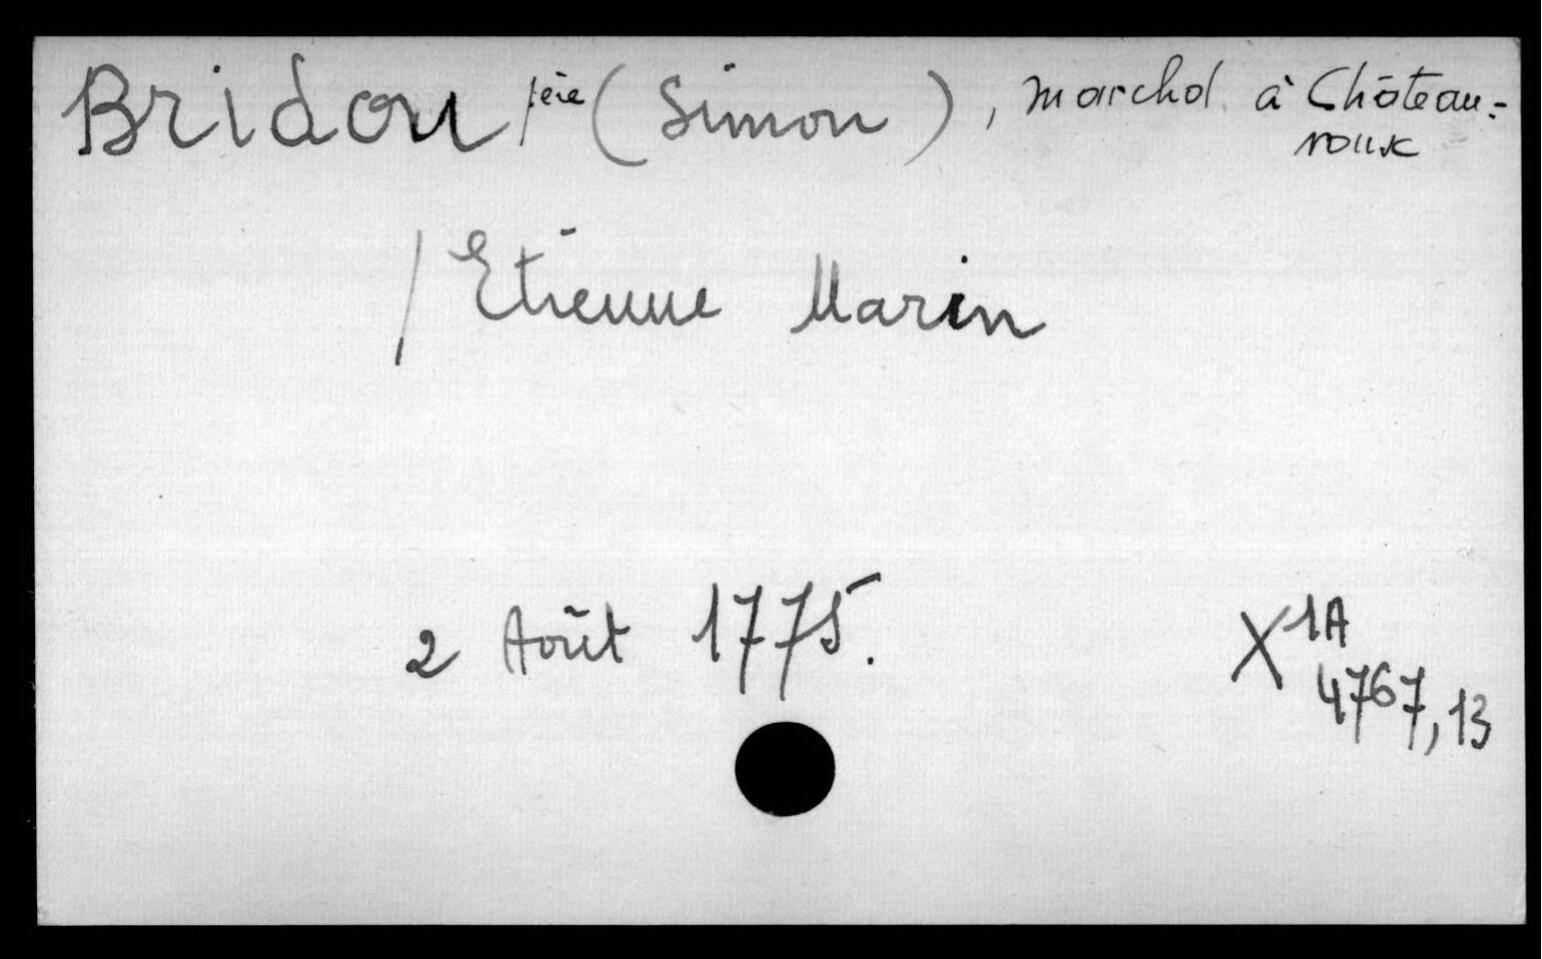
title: BRDOU (Simon), marchand à Châteauroux
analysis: Contre Étienne Marin
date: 2 août 1775
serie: X1A
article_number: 4767
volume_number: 13
